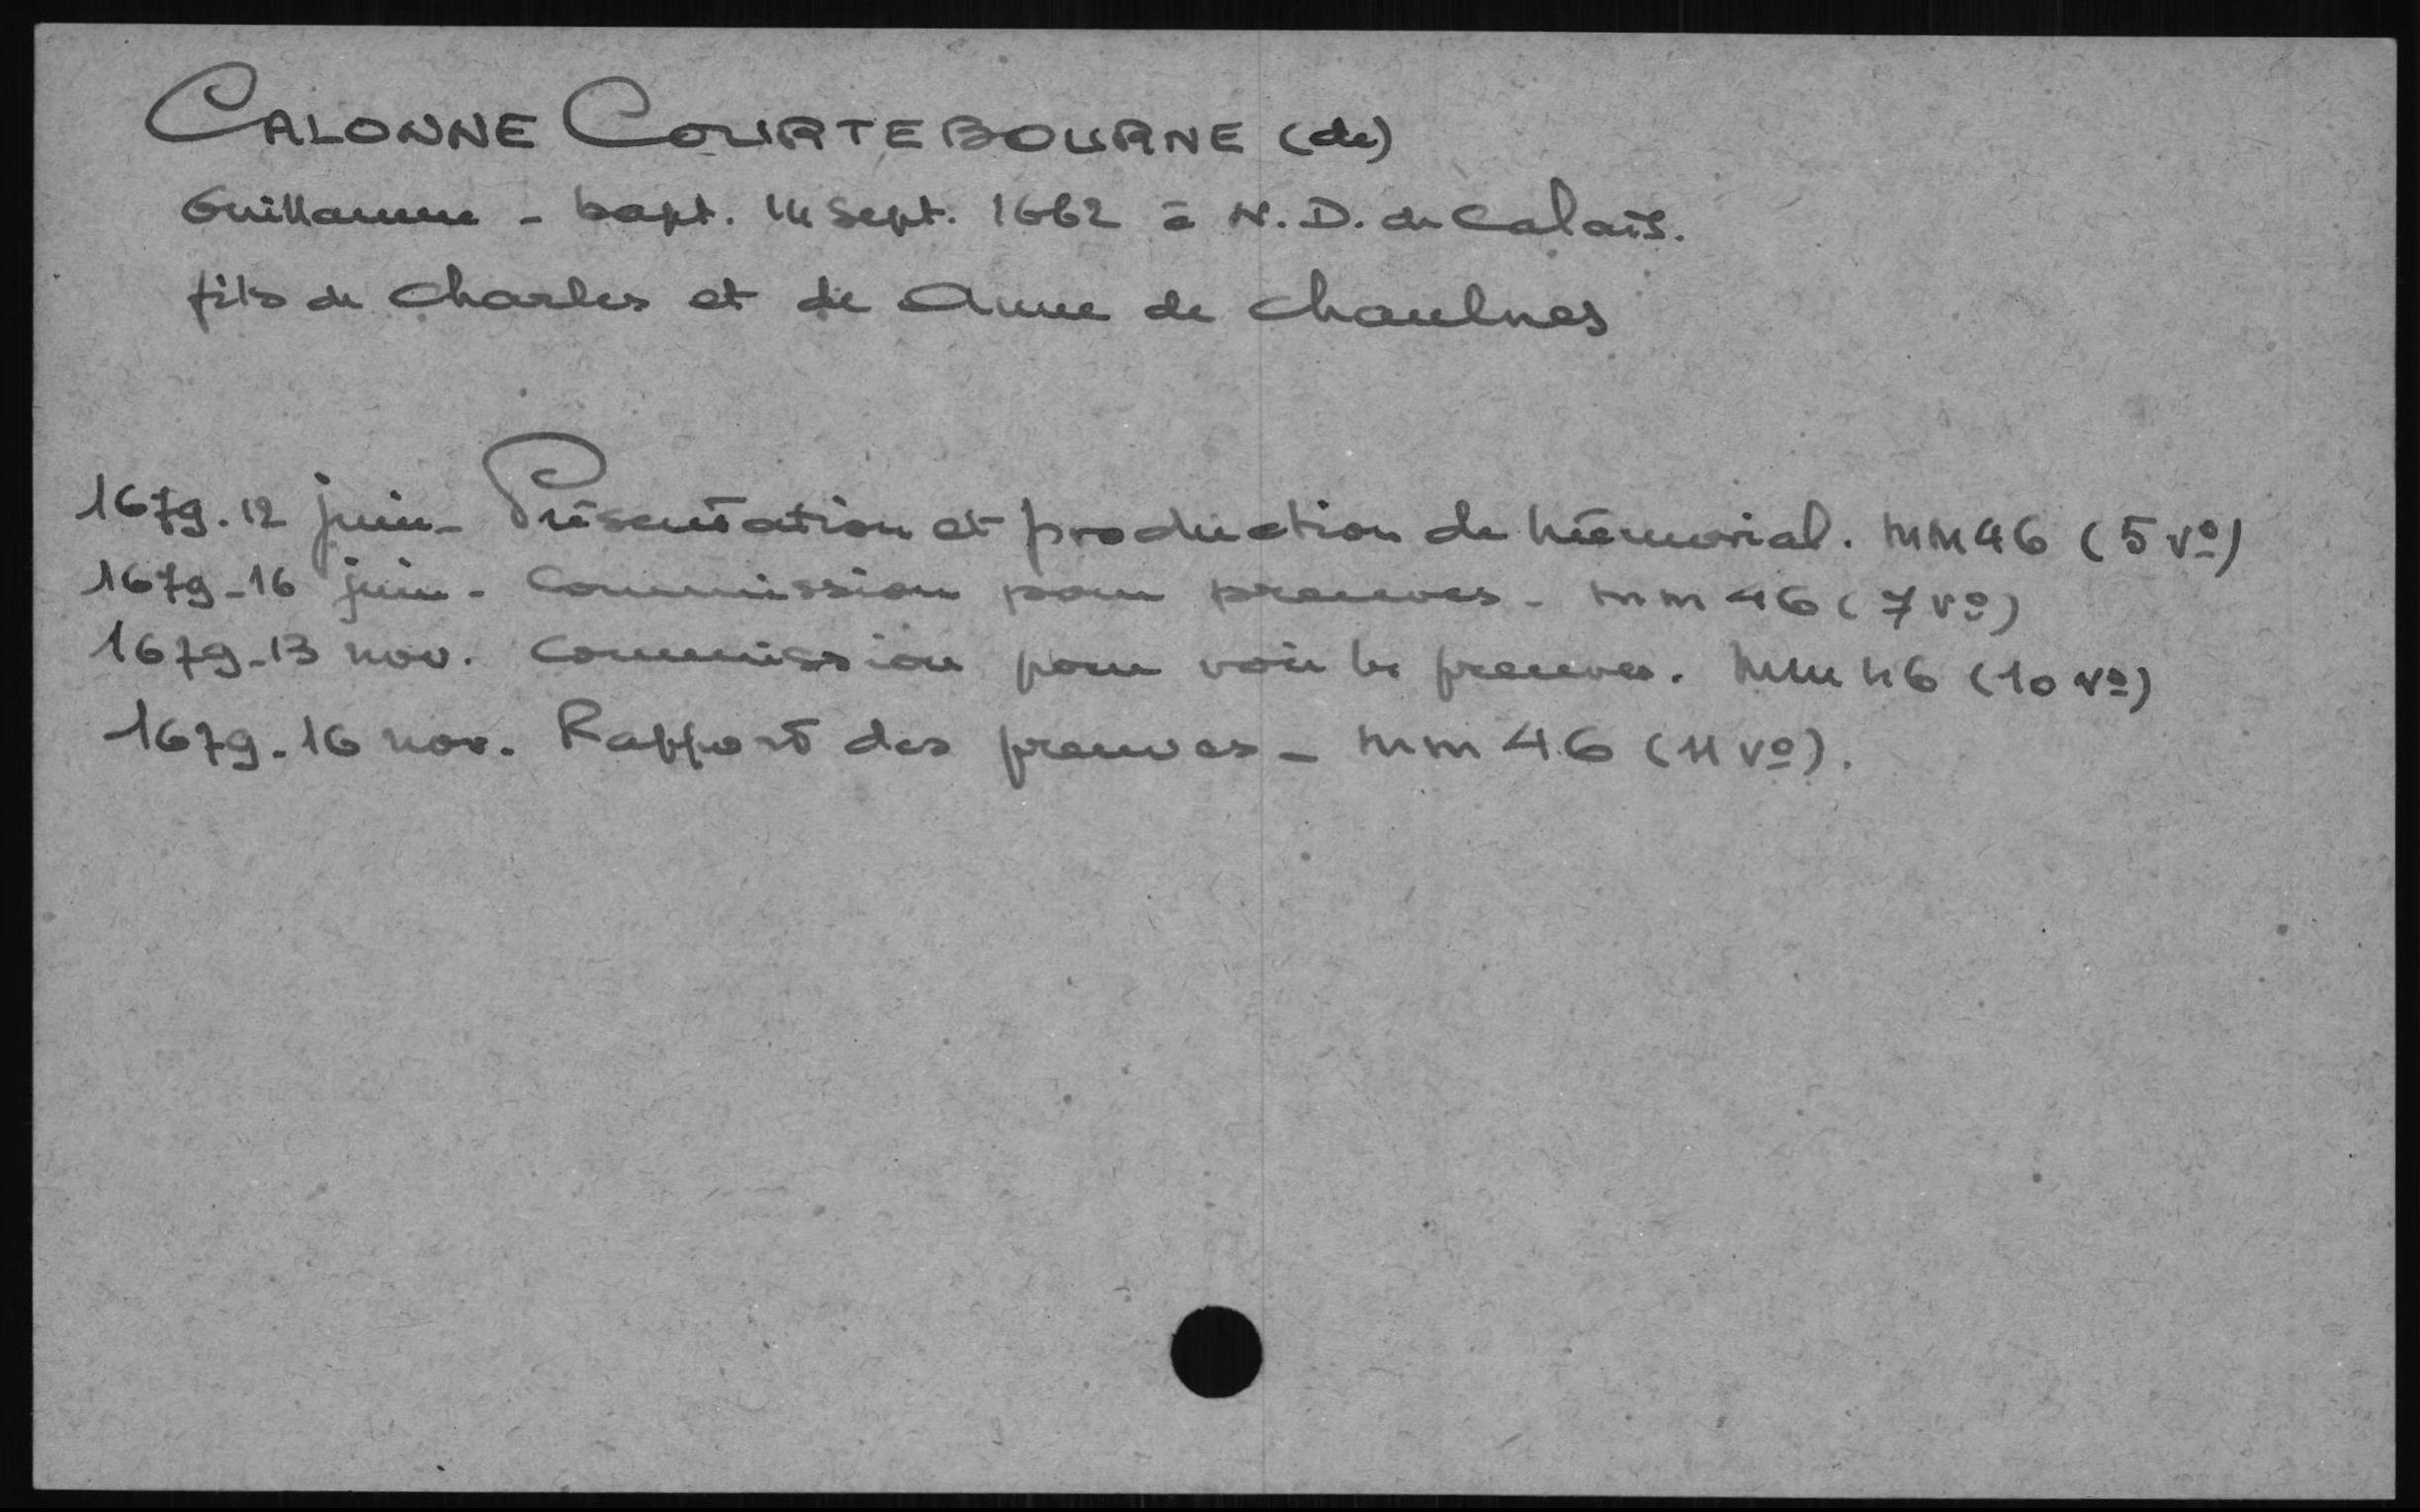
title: CALONNE COURTEBONNE (de) Guillaume, baptisé 14 septembre 1662 à N.D. de Calais fils de Charles et de Anne de Chaulnes
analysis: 1679, 12 juin. Présentation et production de mémorial. MM 46 (5v) 1679, 16 juin. Commission pour preuves. MM 46 (7v) 1679, 13 novembre Commission pour voir les preuves. MM 46 (10v) 1679, 16 novembre Rapport des preuves. MM 46 (11v).
